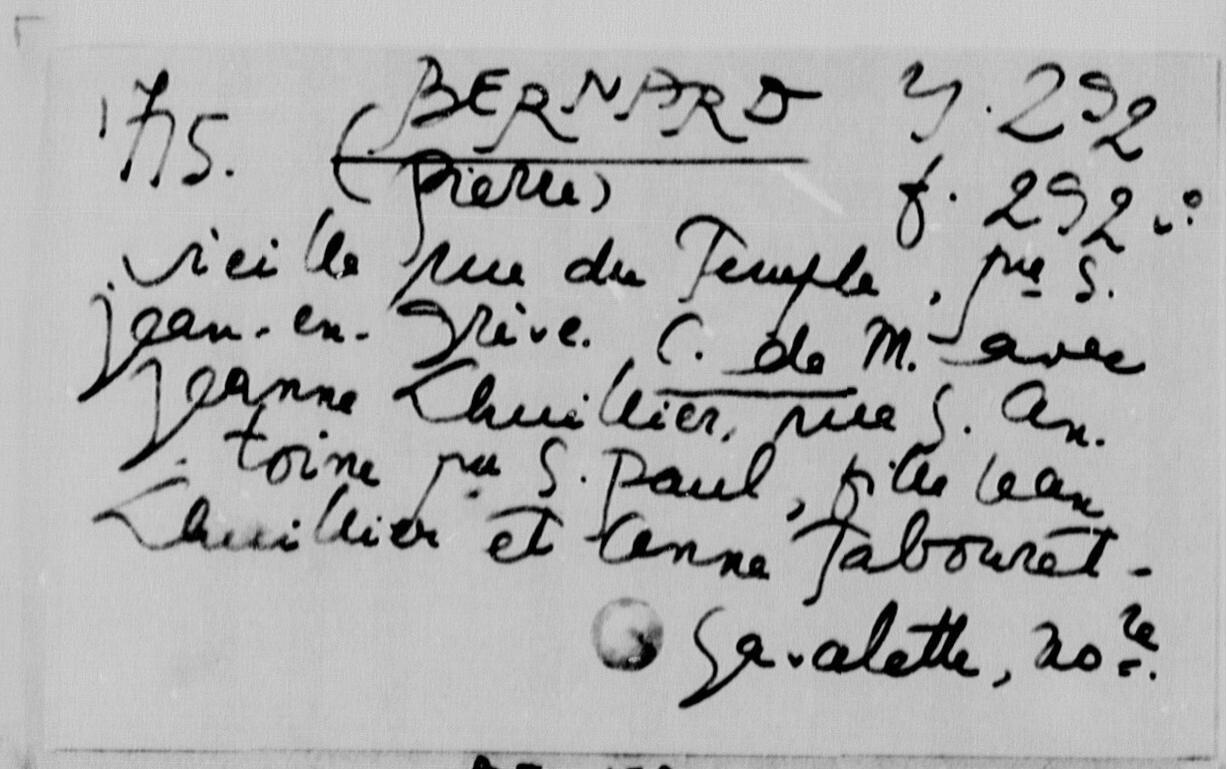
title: BERNARD (Pierre)
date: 1715
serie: Y
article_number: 292
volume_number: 292v
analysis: vieille rue du Temple, paroisse Saint Jean-en-Grève. Contrat de mariage avec Jeanne Lhuillier, rue Saint-Antoine paroisse Saint-Paul, fille Jean Lhuillier et Anne Tabouret Savalette, notaire.
